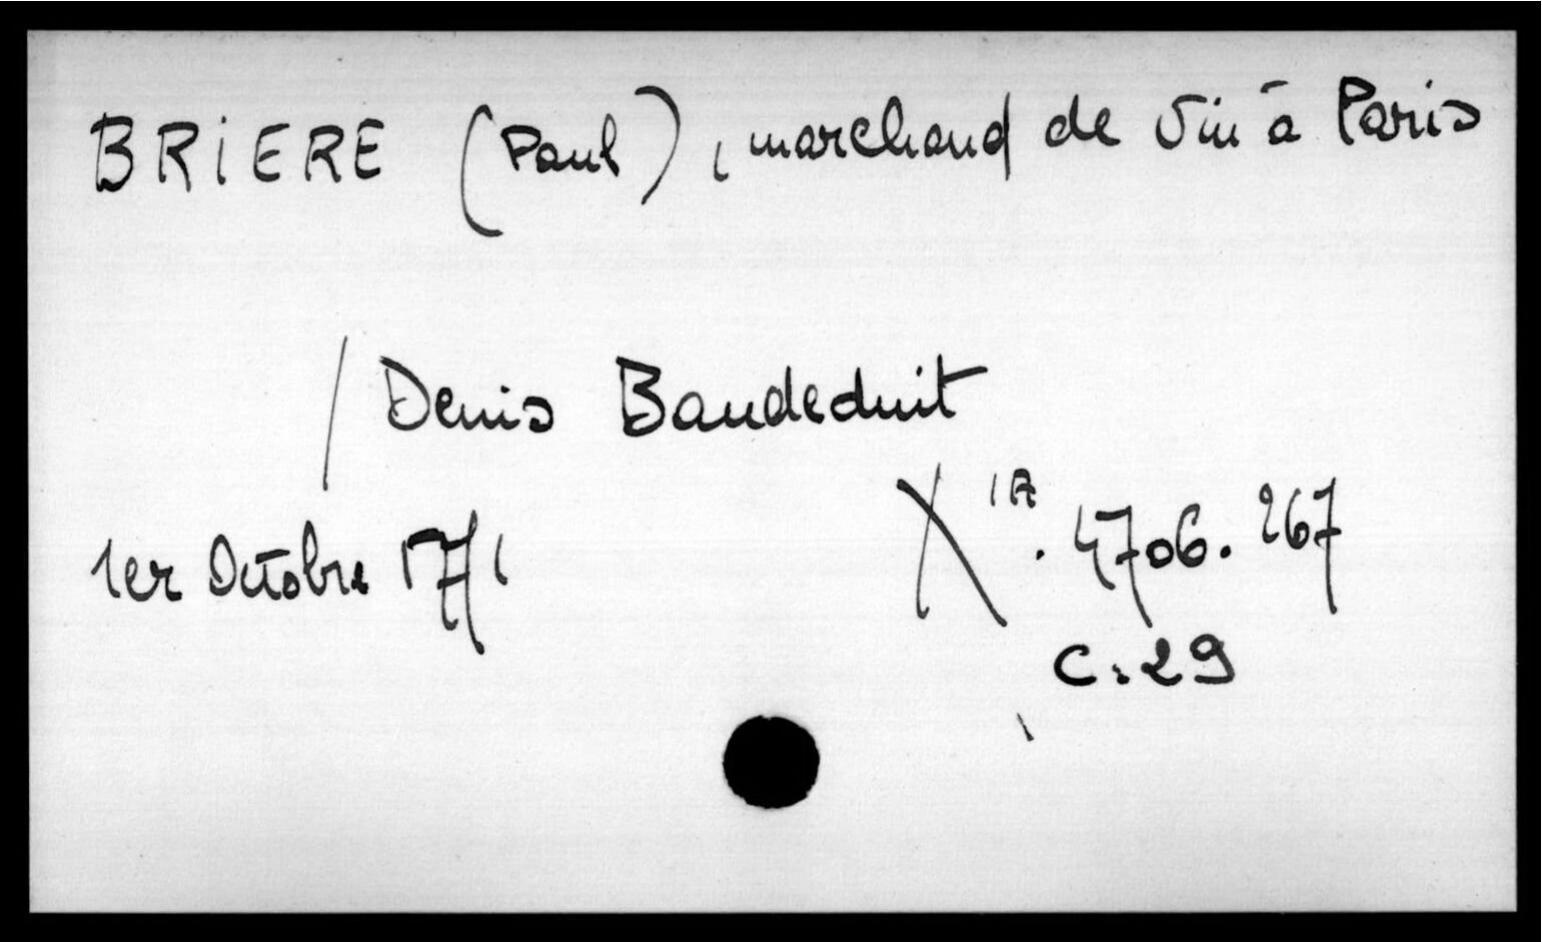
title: BRIERE (Paul) (marchand de vin à Paris
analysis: Contre Denis Baudeduit
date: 1 octobre 1771
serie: X1A
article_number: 4706
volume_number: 267 Conseil, 29
